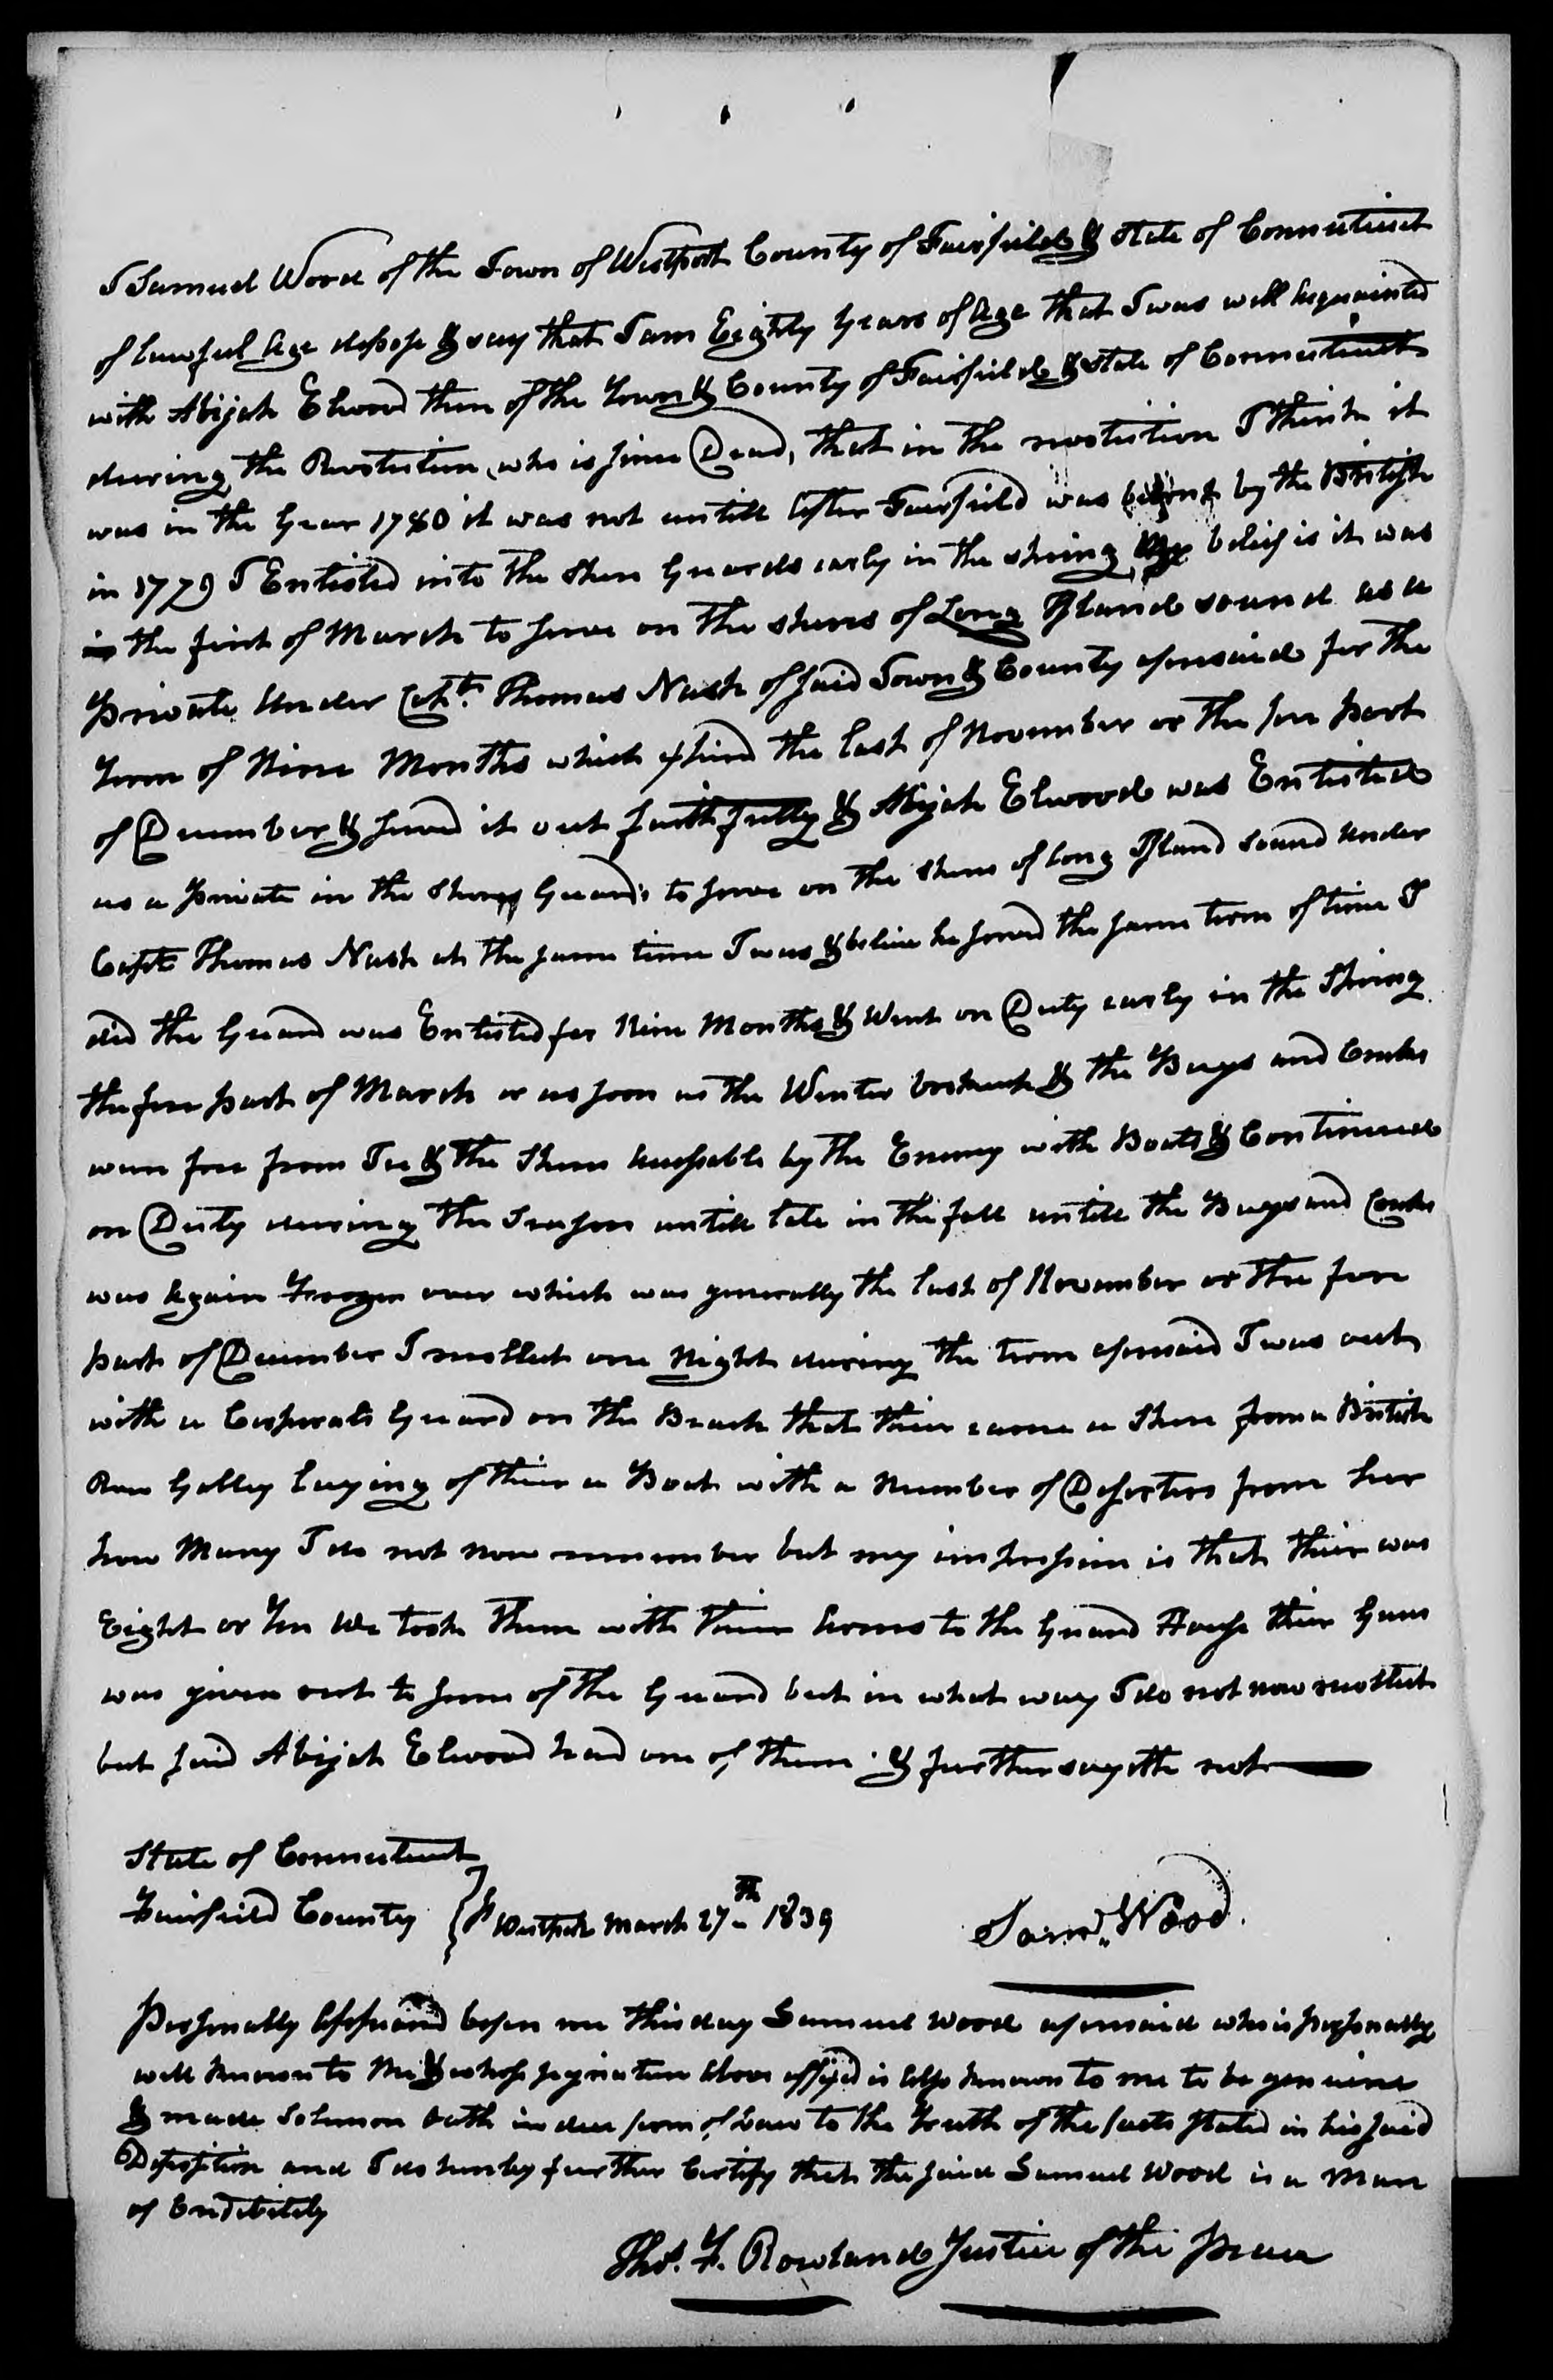I Samuel Work of the Town of Westport County of Fairfield of state of Connecticut of lawful age depose [?] that I am Eighty years of age that I was well acquainted with Abijah Ehord then of the town & county of Fairfield in the state of Connecticut during the Restoration, who is Jins Dead, that in the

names: Thomas Nash, Abijah Elwood, Samuel Wood, Abijah Elwood, Saml Wood, Samuel Wood, Thos F Rowland, Thomas Nash, Abijah Elwood, Samuel Wood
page: 57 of 69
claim: widow's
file: W. 25562, Abijah Elwood, Conn.